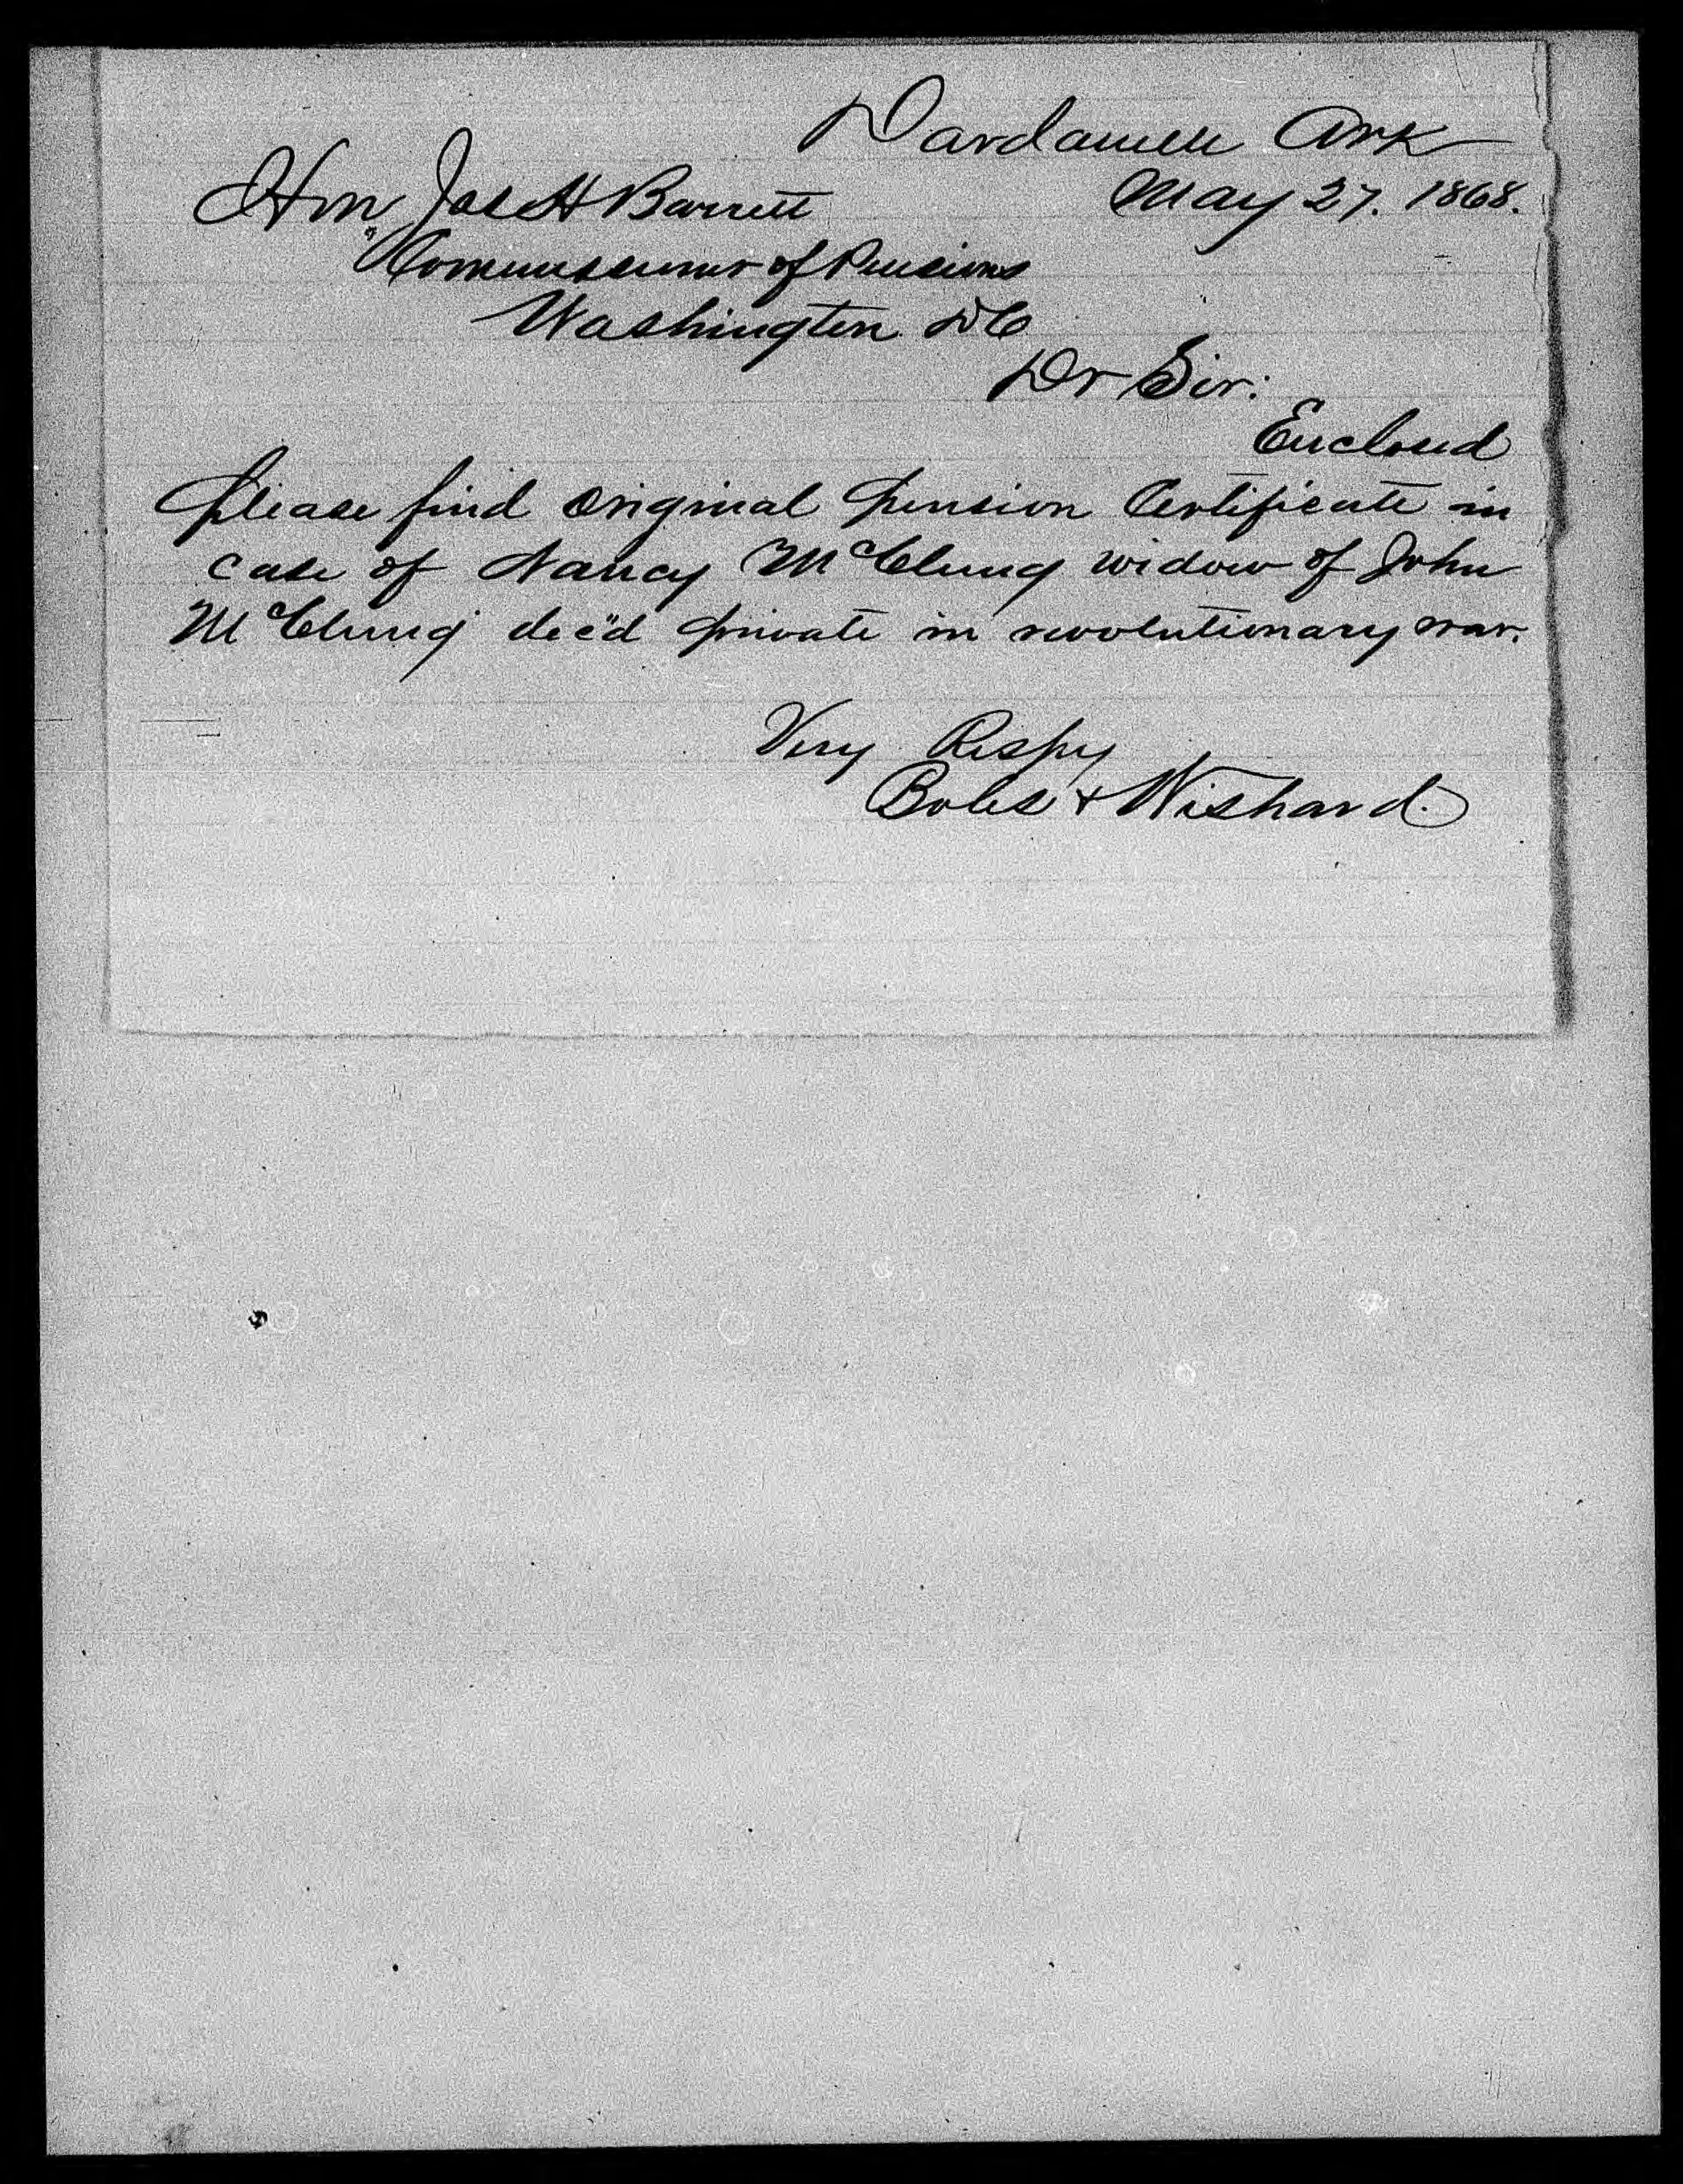Dandanelle Ark
May 27. 1868.

Hon Jos H Barrett
Commissioner of Pensions 
Washington DC

Dr Sir:
Enclosed
please find original pension Certificate in
case of Nancy McClung widow of John
McClung dec'd private in revolutionary war
Very Respy
Boles & Wishard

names: [BLANK] Boles; Nancy Mc Clung; [BLANK] Wishard; Jos H Barrett; John Mc Clung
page: 62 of 115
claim: widow's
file: W. 1446, for John Mc Clung, South Carolina